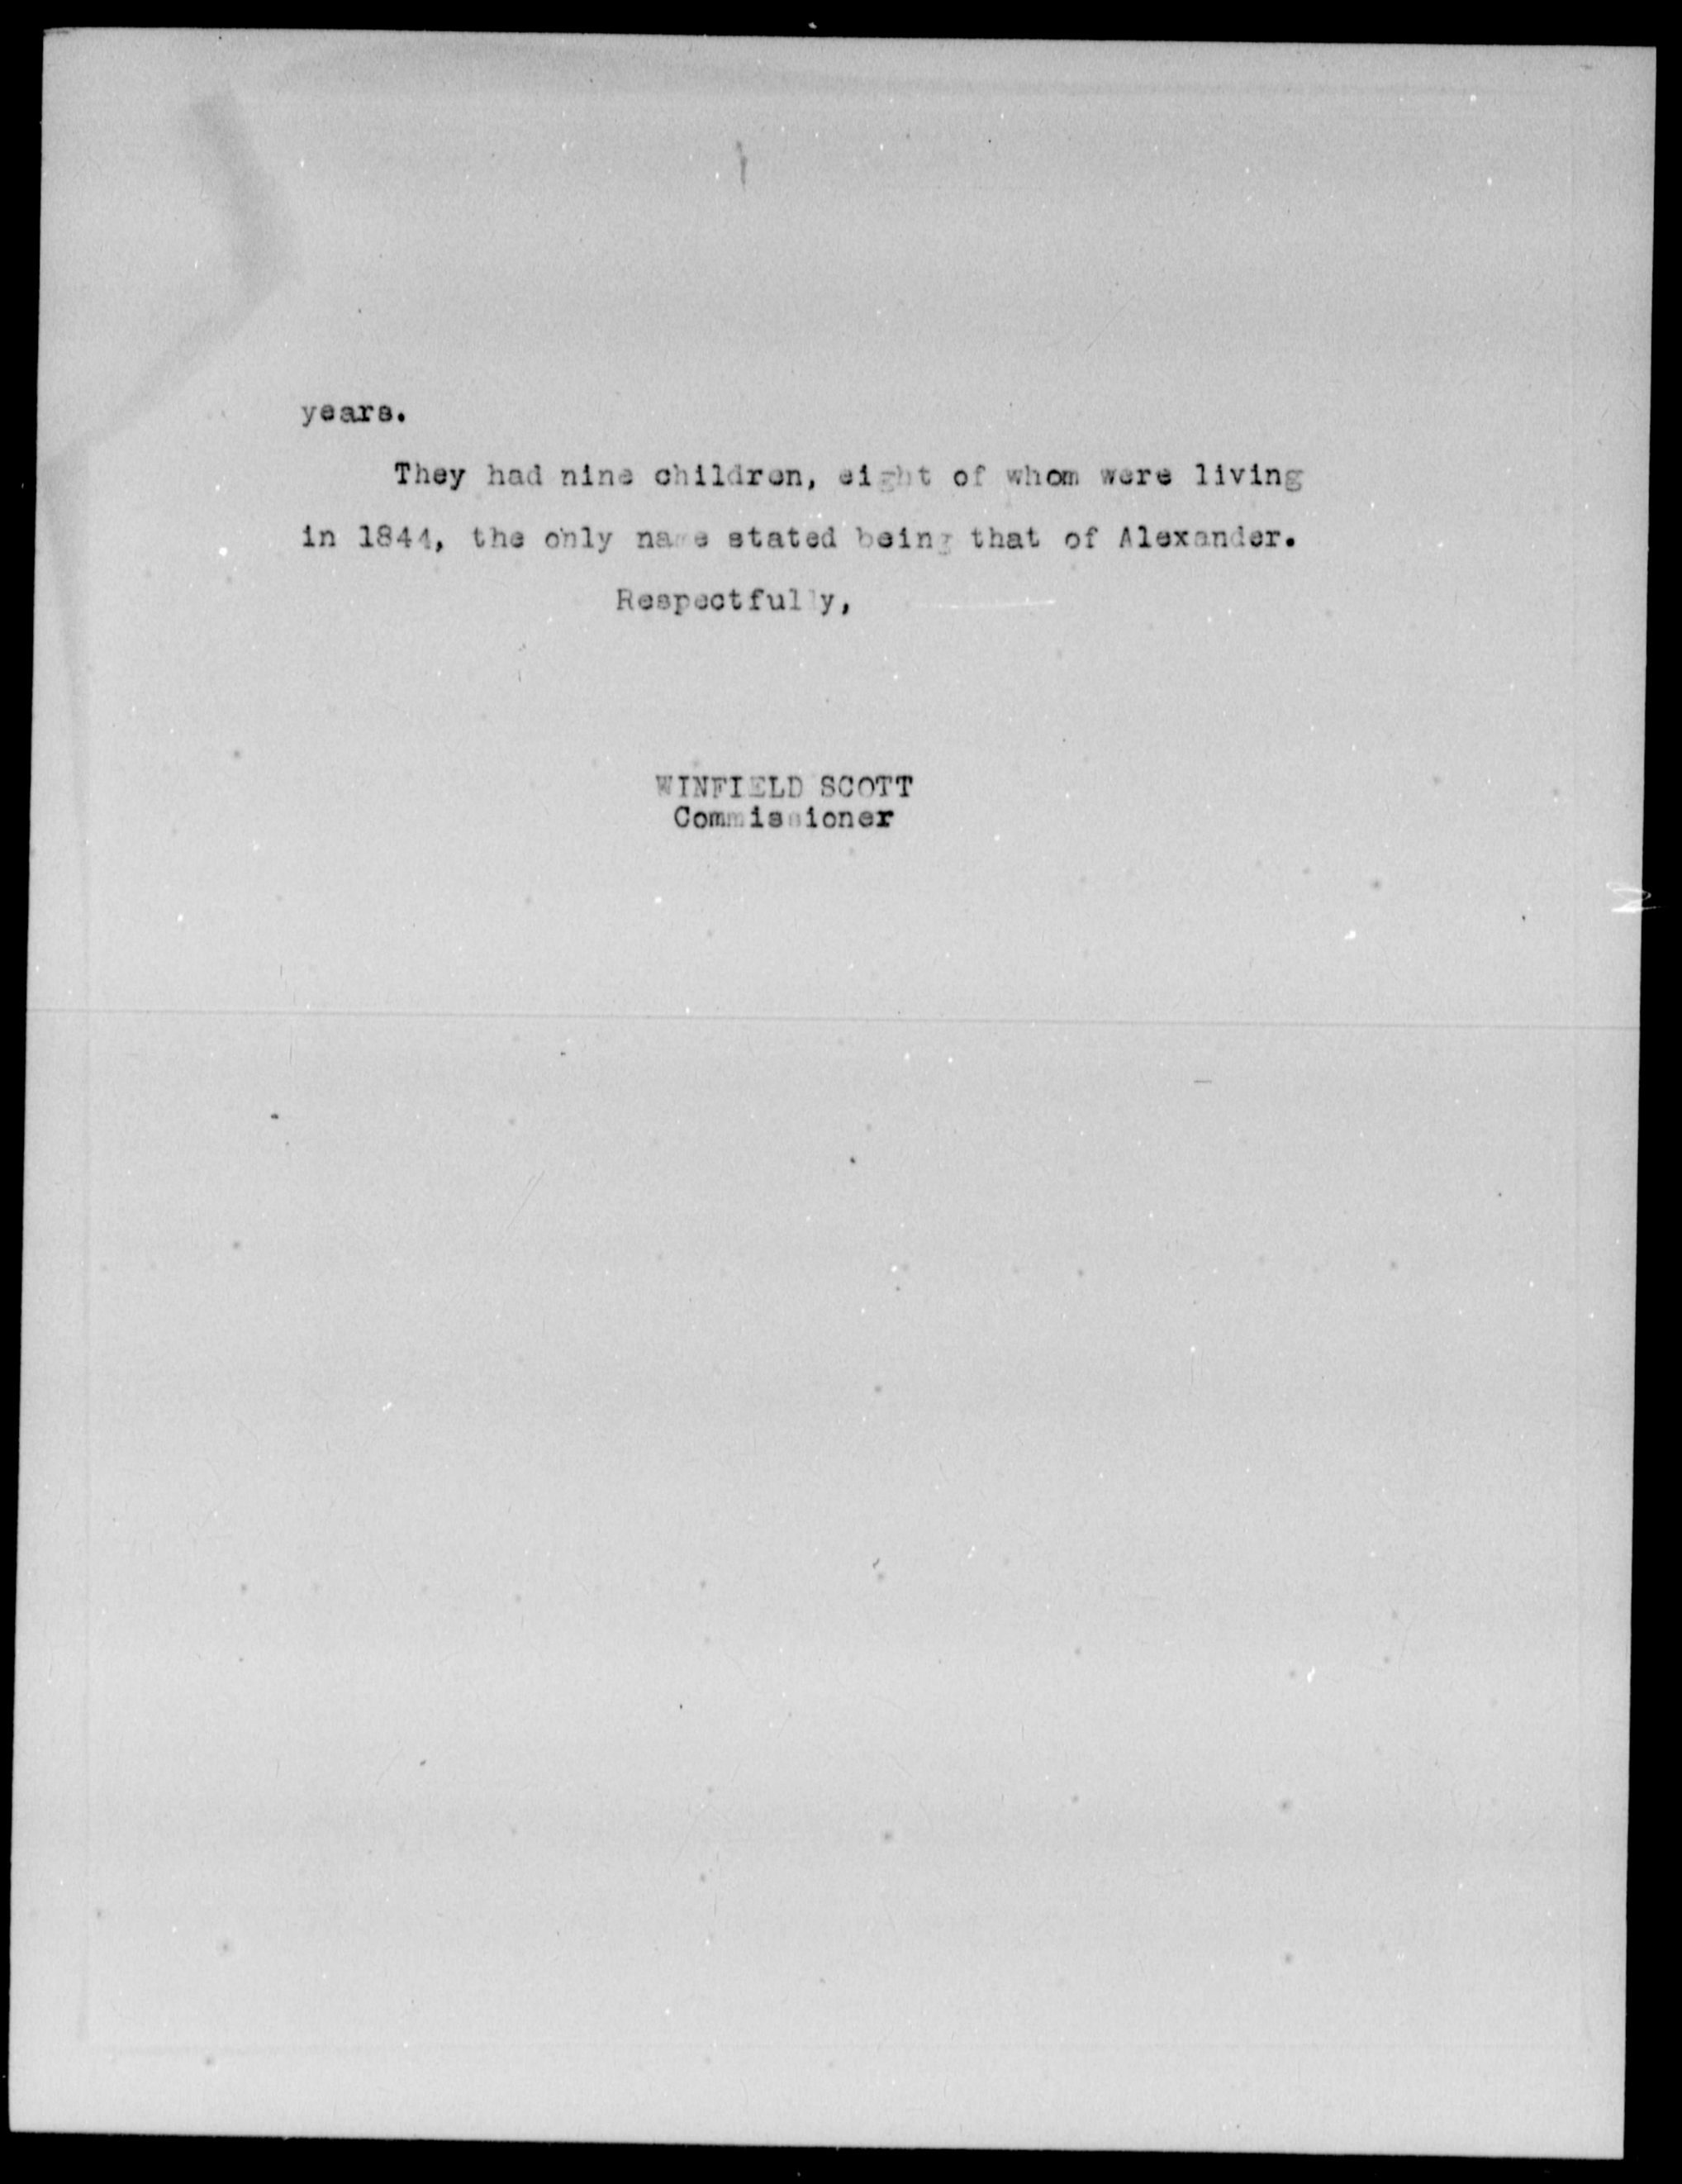years.
They had nine children, eight of whom were living in 1844, the only name stated being that of Alexander.
Respectfully,
WINFIED SCOTT
Commissioner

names: Winfield Scott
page: 41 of 84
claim: widow's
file: W.11104, for John Remay, Virginia